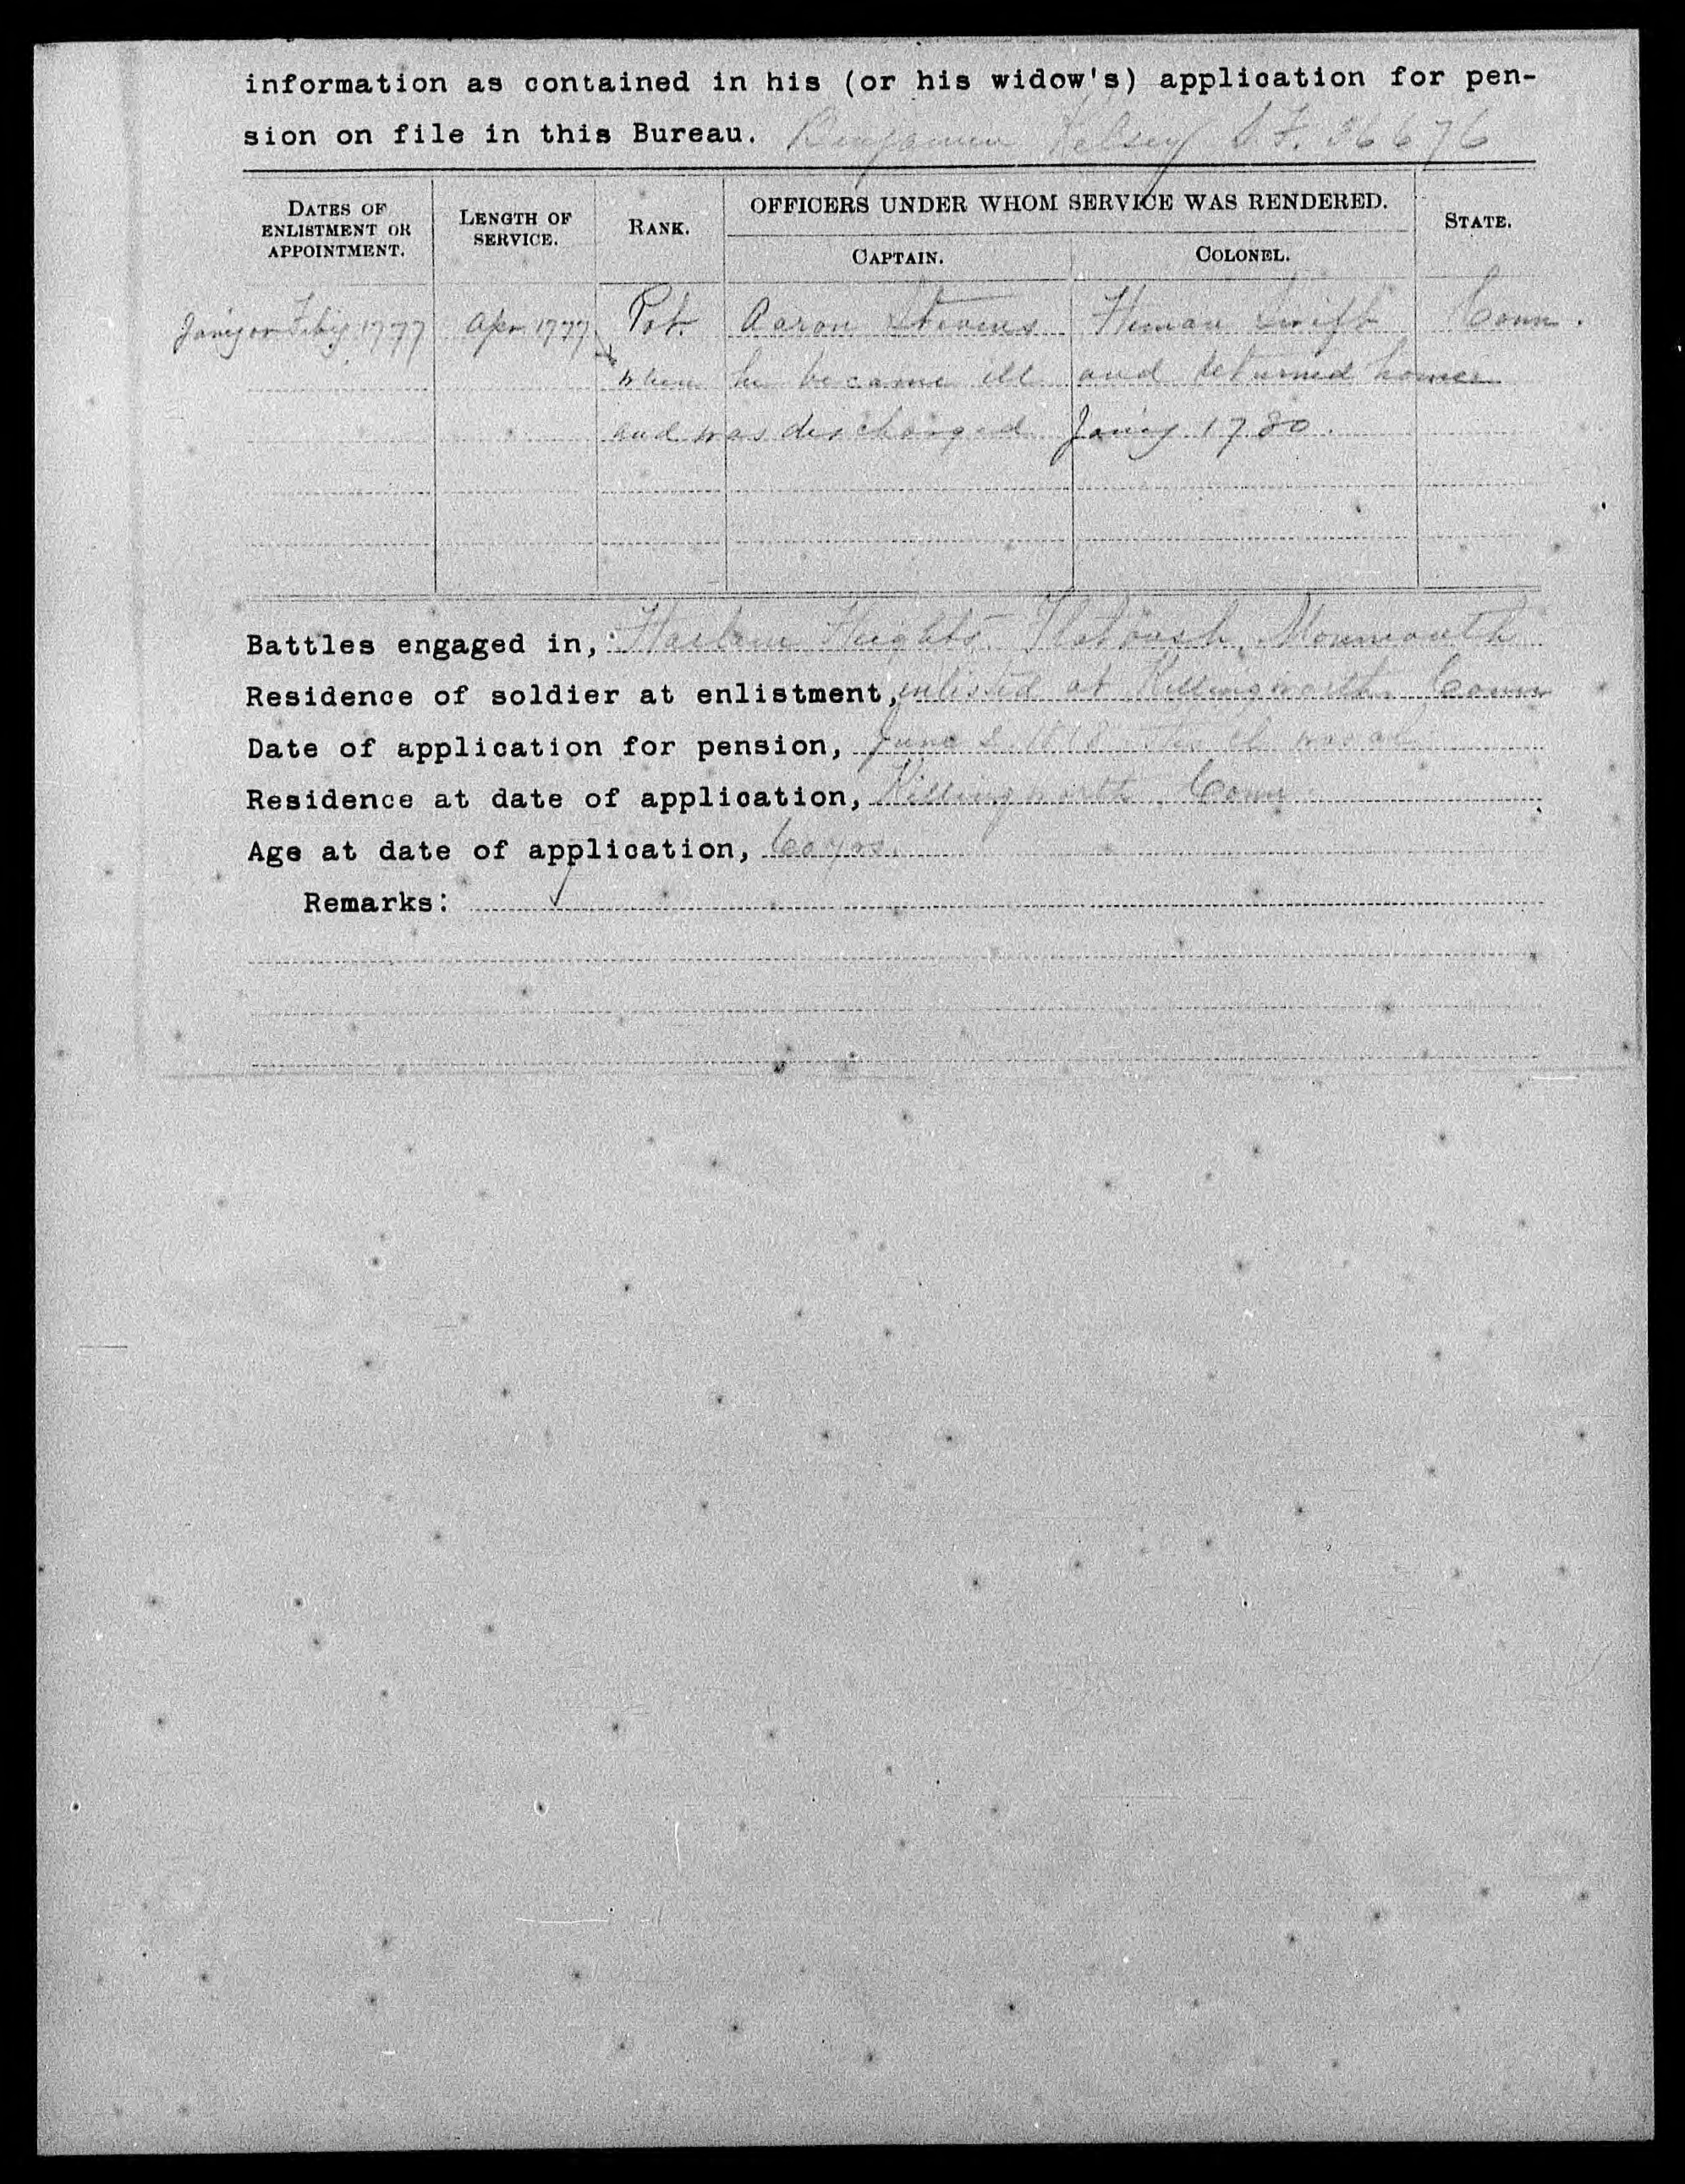information as contained in his (or his widow’s) application for pension on file in this bureau.  
DATES OF ENLISTMENT OR APPOINTMENT   Jany or Feby 1777  LENGTH OF SERVICE Apr 1777  when he became ill and returned home and was discharged Jany 1780
RANK.  Pvt.   OFFICERS UNDER WHOM SERVICE WAS RENDERED.  Captain Aaron Stevens   Colonel Heman Swift   STATE.   Conn
Battles engaged in,  Harlem Heights, Flatbush, Monmouth
Residence of soldier at enlistment,   enlisted at Killingworth Conn
Date of application for pension,  June 2 1818, his cl. was al [his claim was allowed]
Residence at date of application,  Killingworth Conn
Age at date of application,   60 yrs
Remarks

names: Heman Swift; Aaron Stevens; Benjamin Kelsey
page: 14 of 21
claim: survivor's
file: S. 36676, for Benjamin Kelsey, Connecticut